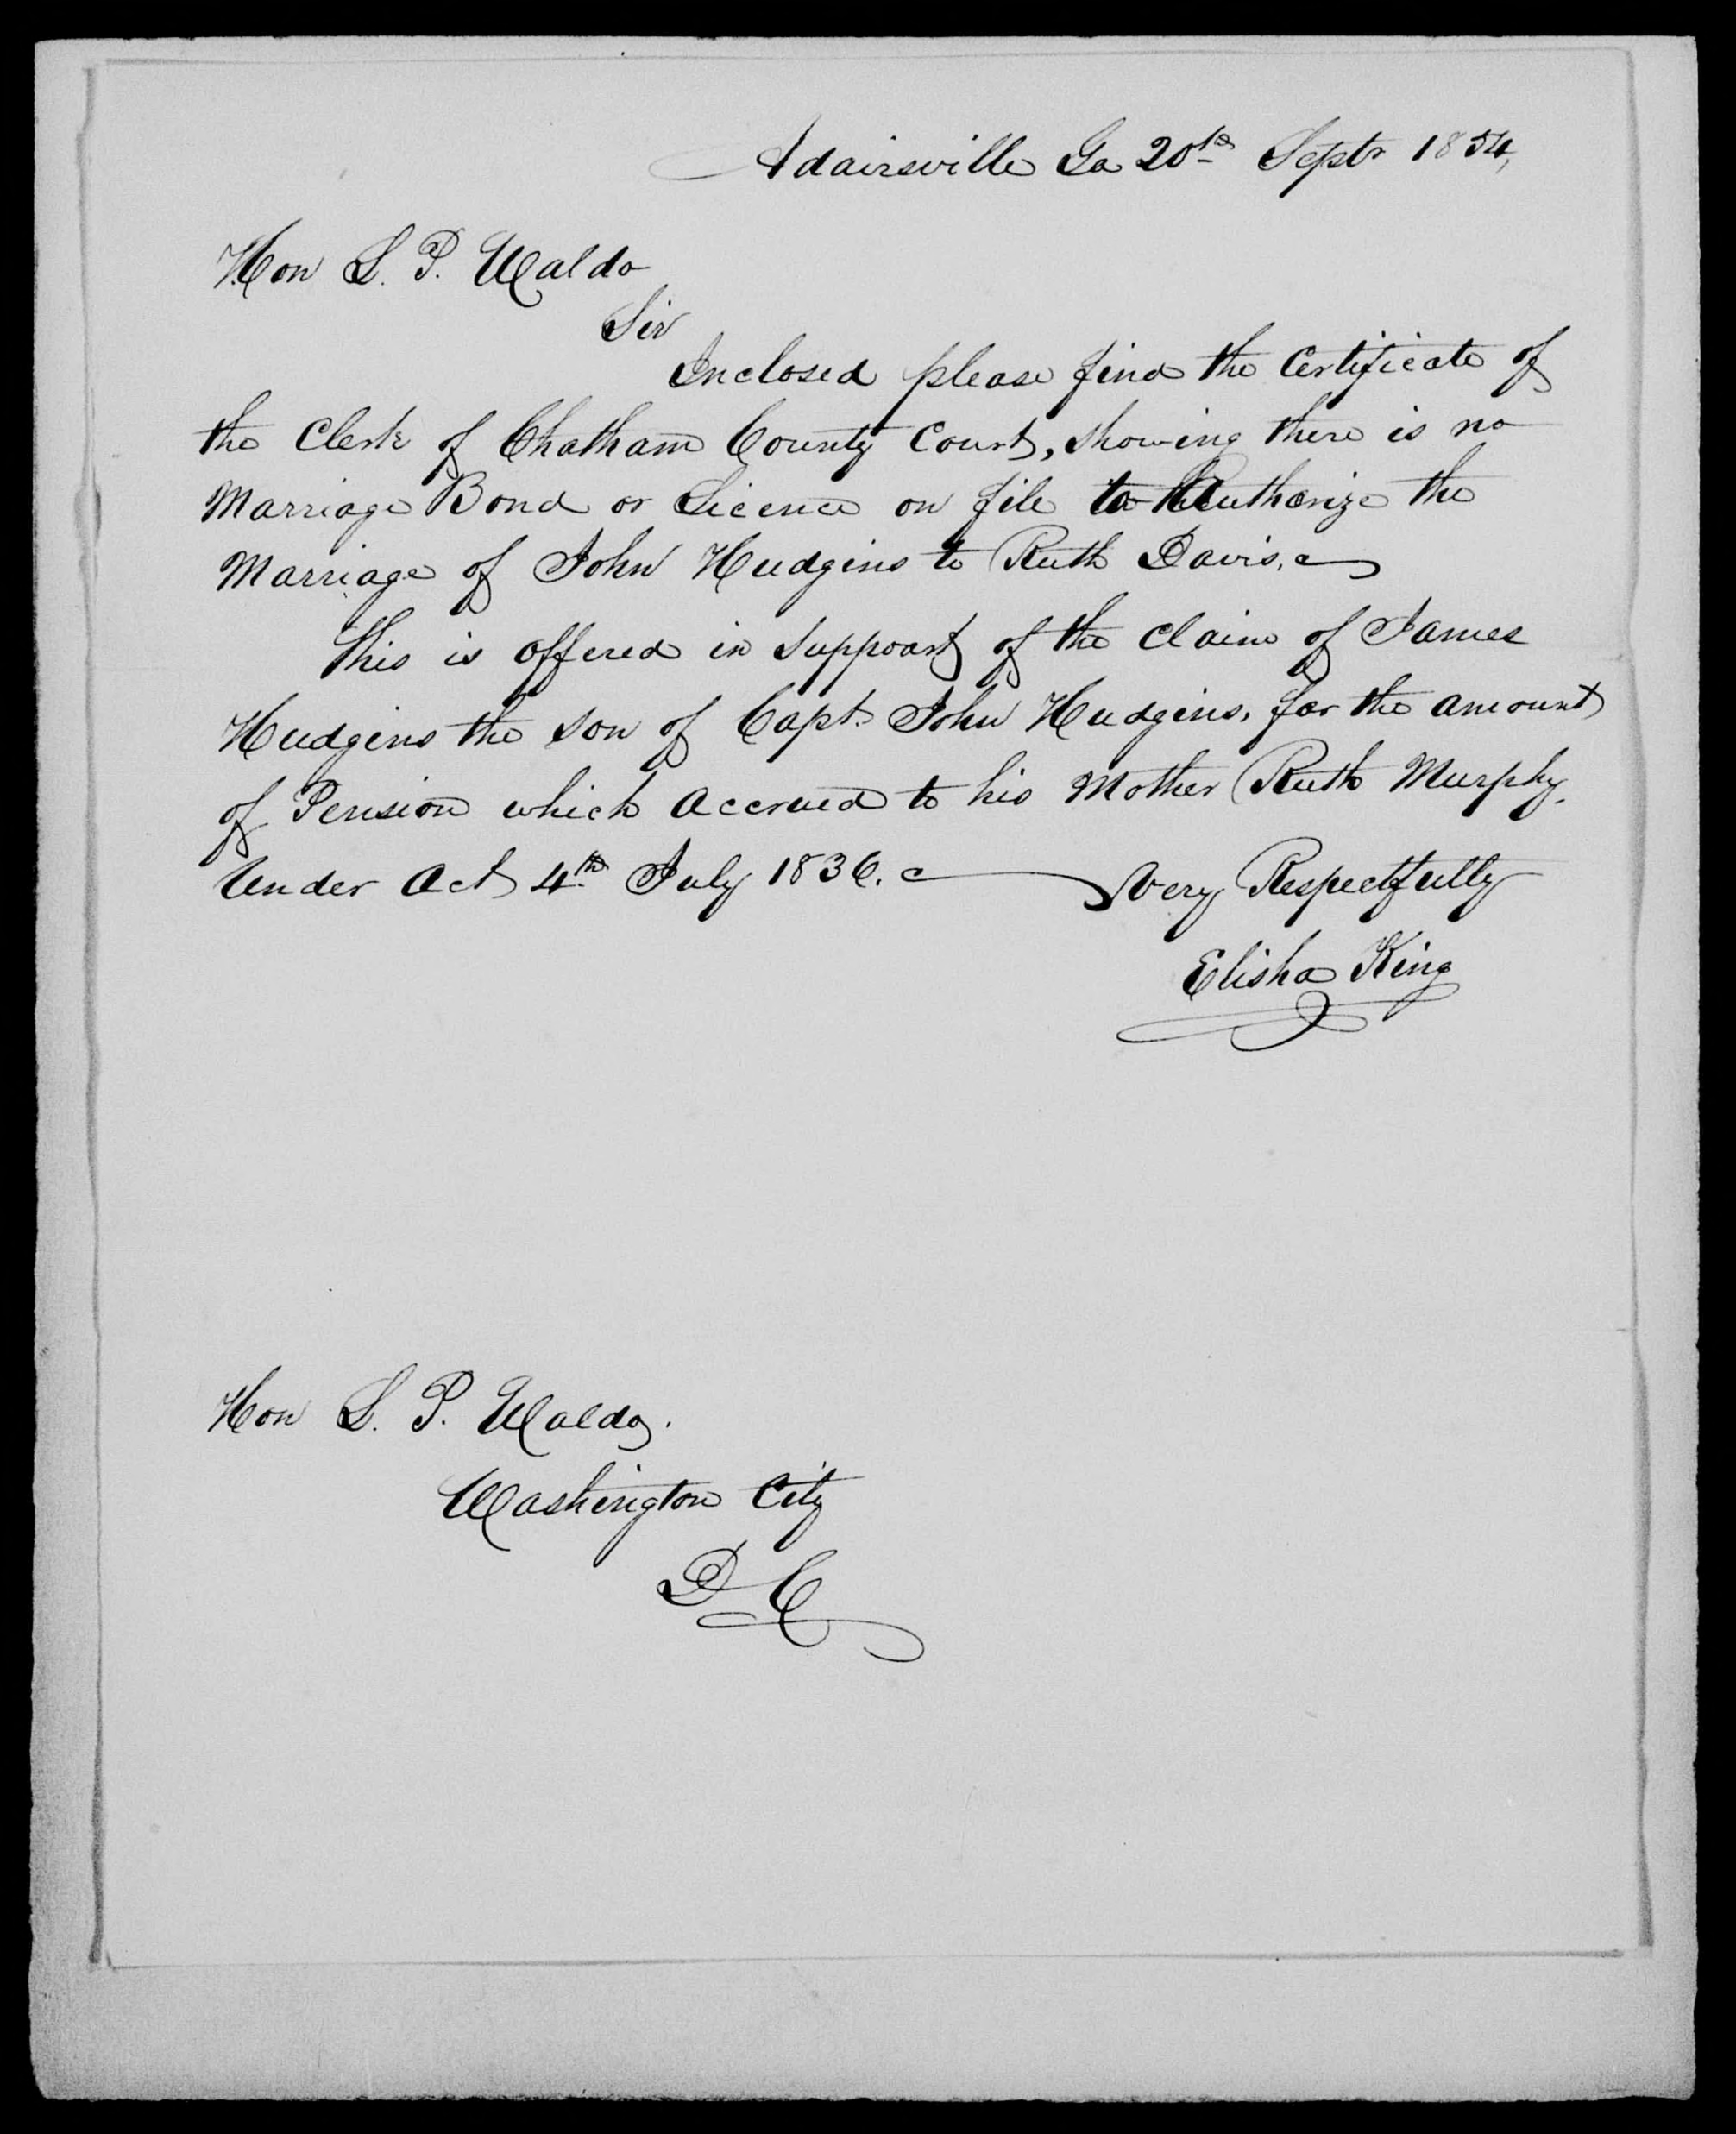Adairsville Ga 20th Sept 1854

Hon L.P. Waldo
Sir
Enclosed please find the Certificate of the clerk of Chatham County Court, showing there is no marriage bond or license on file to authorize the  marriage of John Hudgins to Ruth Davis.

This is offered in support of the claim of James Hudgins the son of Capt. John Hudgins for the amount of pension which accrued to his mother Ruth Murphy under Act 4th July 1836 
Very Respectfully
Elisha King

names: John Hudgins, Elisha King, Ruth Murphy, Ruth Davis, L P Waldo, James Hudgins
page: 59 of 108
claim: rejected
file: R. 7,515, John Hudgins, N.C.